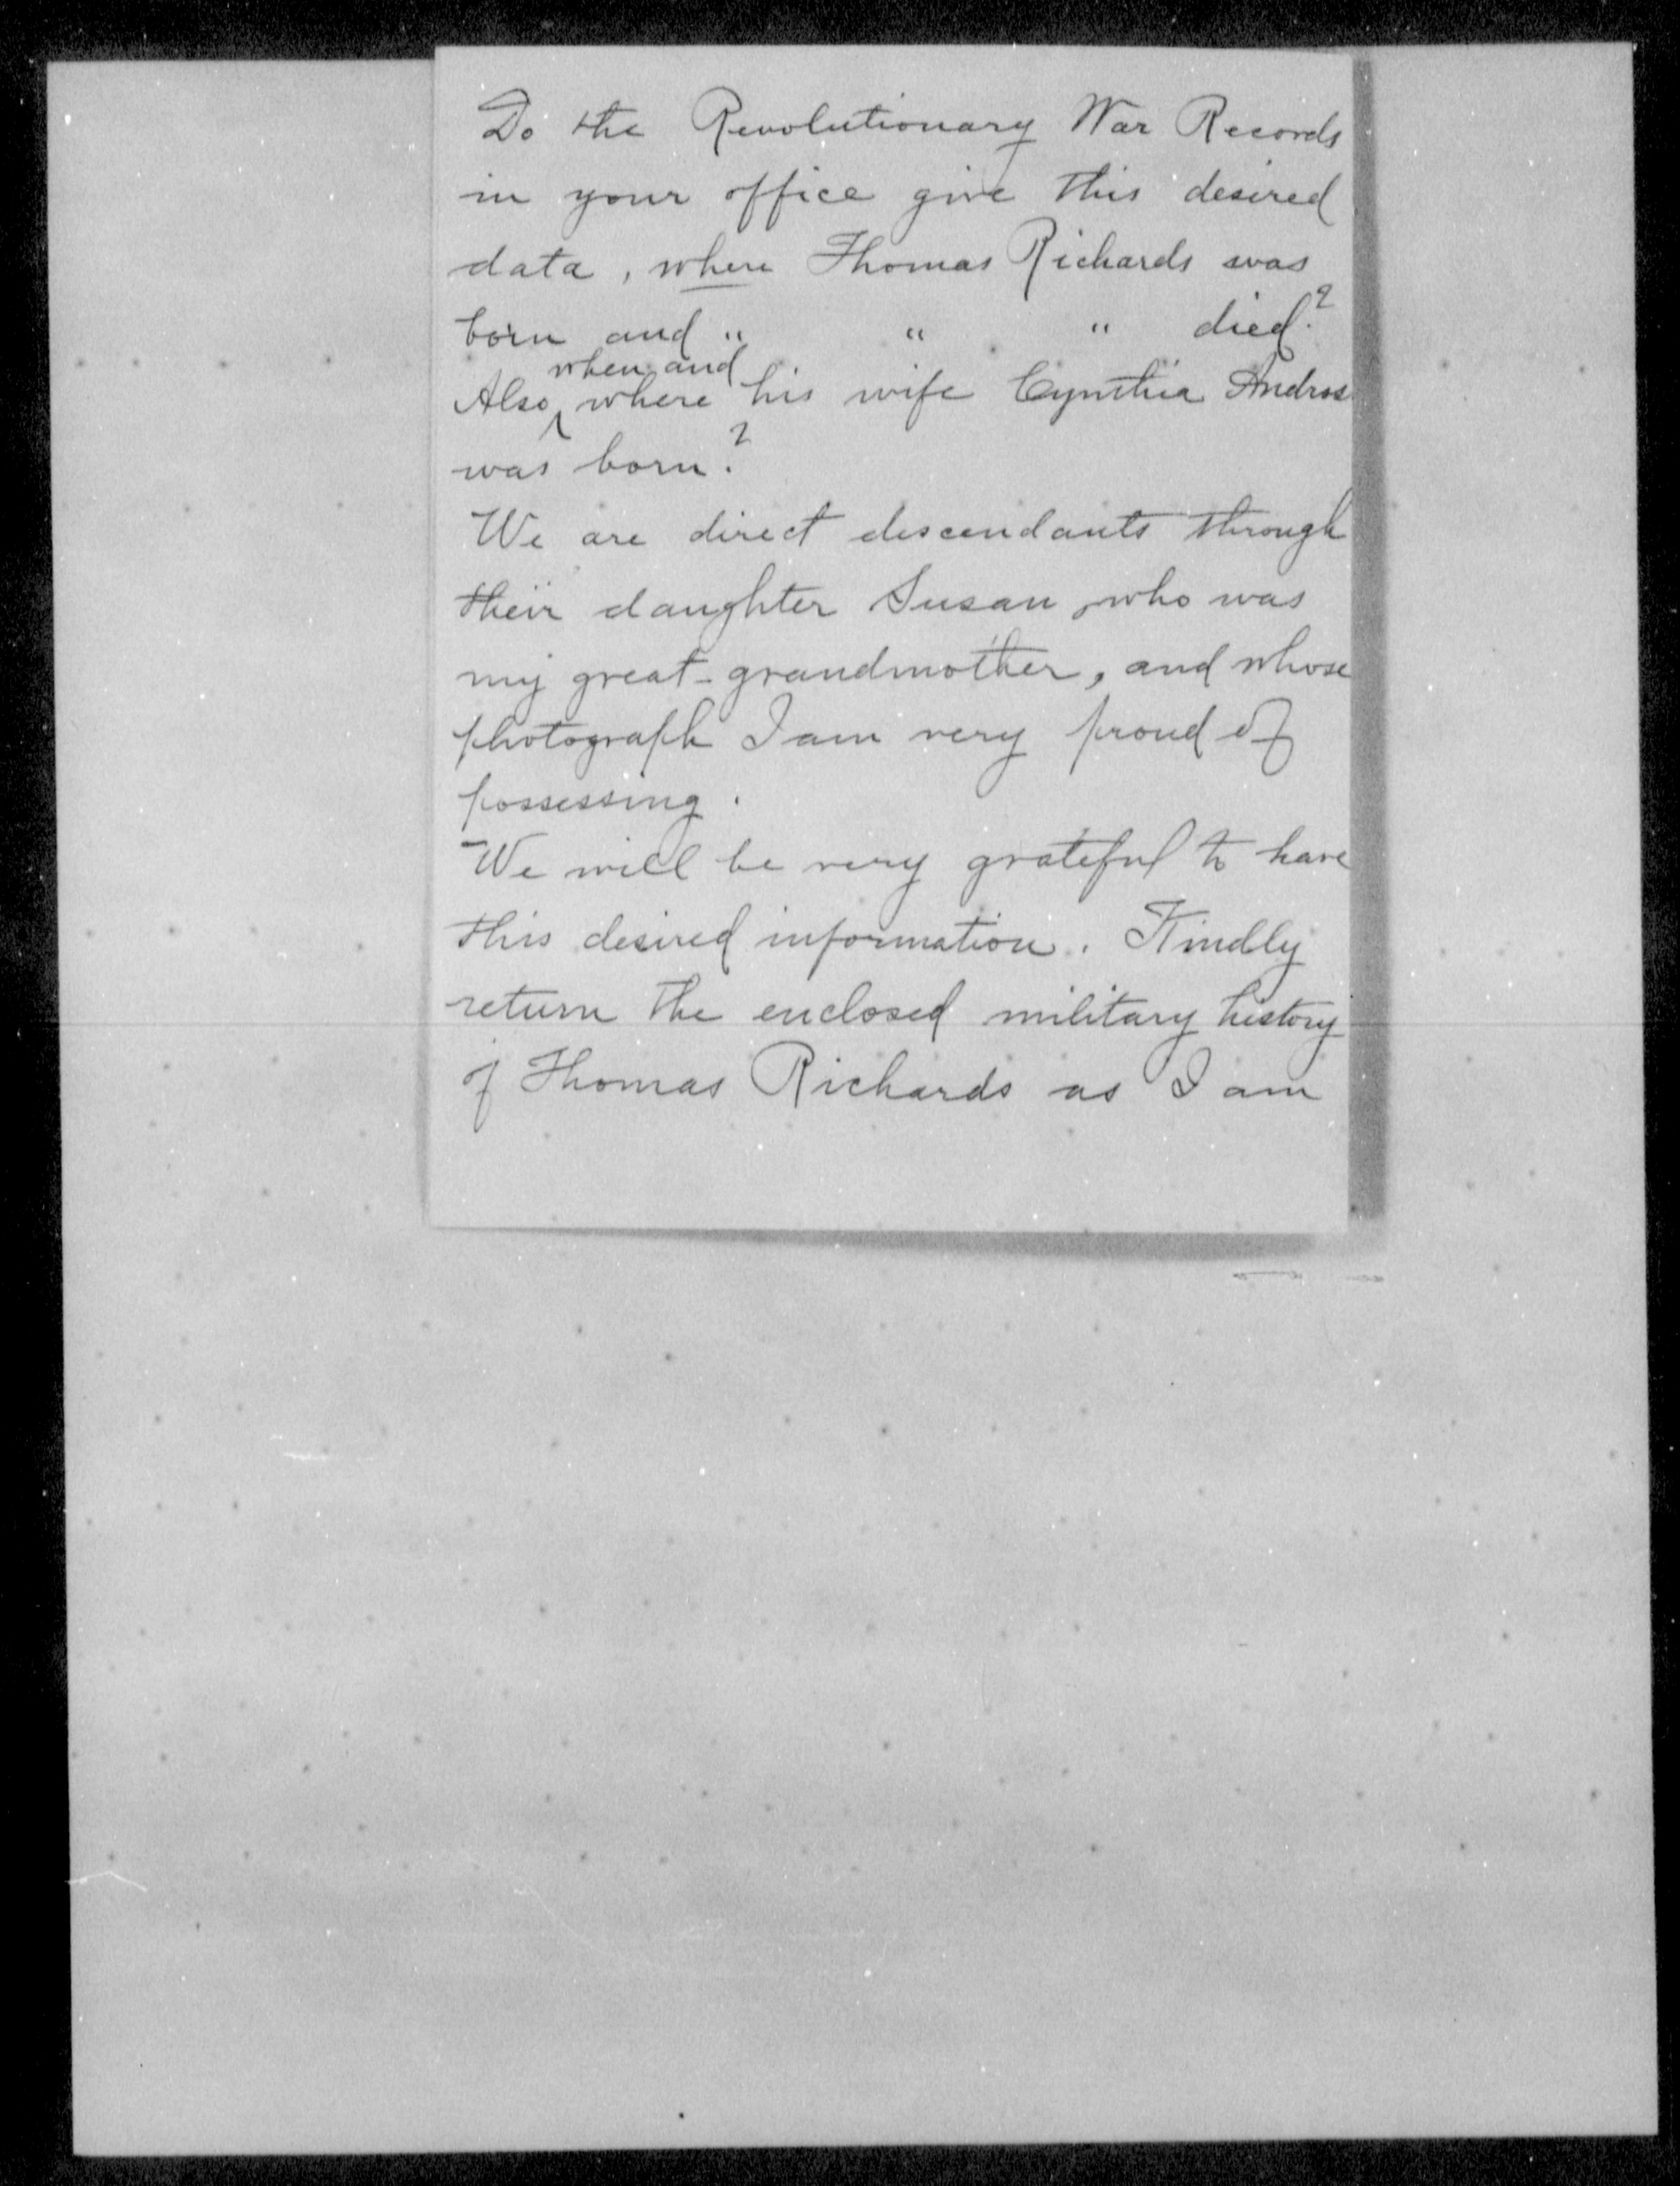Do the Revolutionary War Records
in your office give this desired
data, where Thomas Richards was born 
and      "            "          "      [Thomas Richards] died?
Also when and where his wife Cynthia Andros
was born?
We are direct descendants through their daughter Susan who was my great-grandmother, and whose photograph I am very proud of
possessing.
We will be very grateful to have this desired information. Kindly return the enclosed military history of Thomas Richards as I am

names: Thomas Richards; Cynthia Andros; Susan [BLANK]; Thomas Richards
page: 101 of 109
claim: widow's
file: W. 5709, for Thomas Richards, New Hampshire